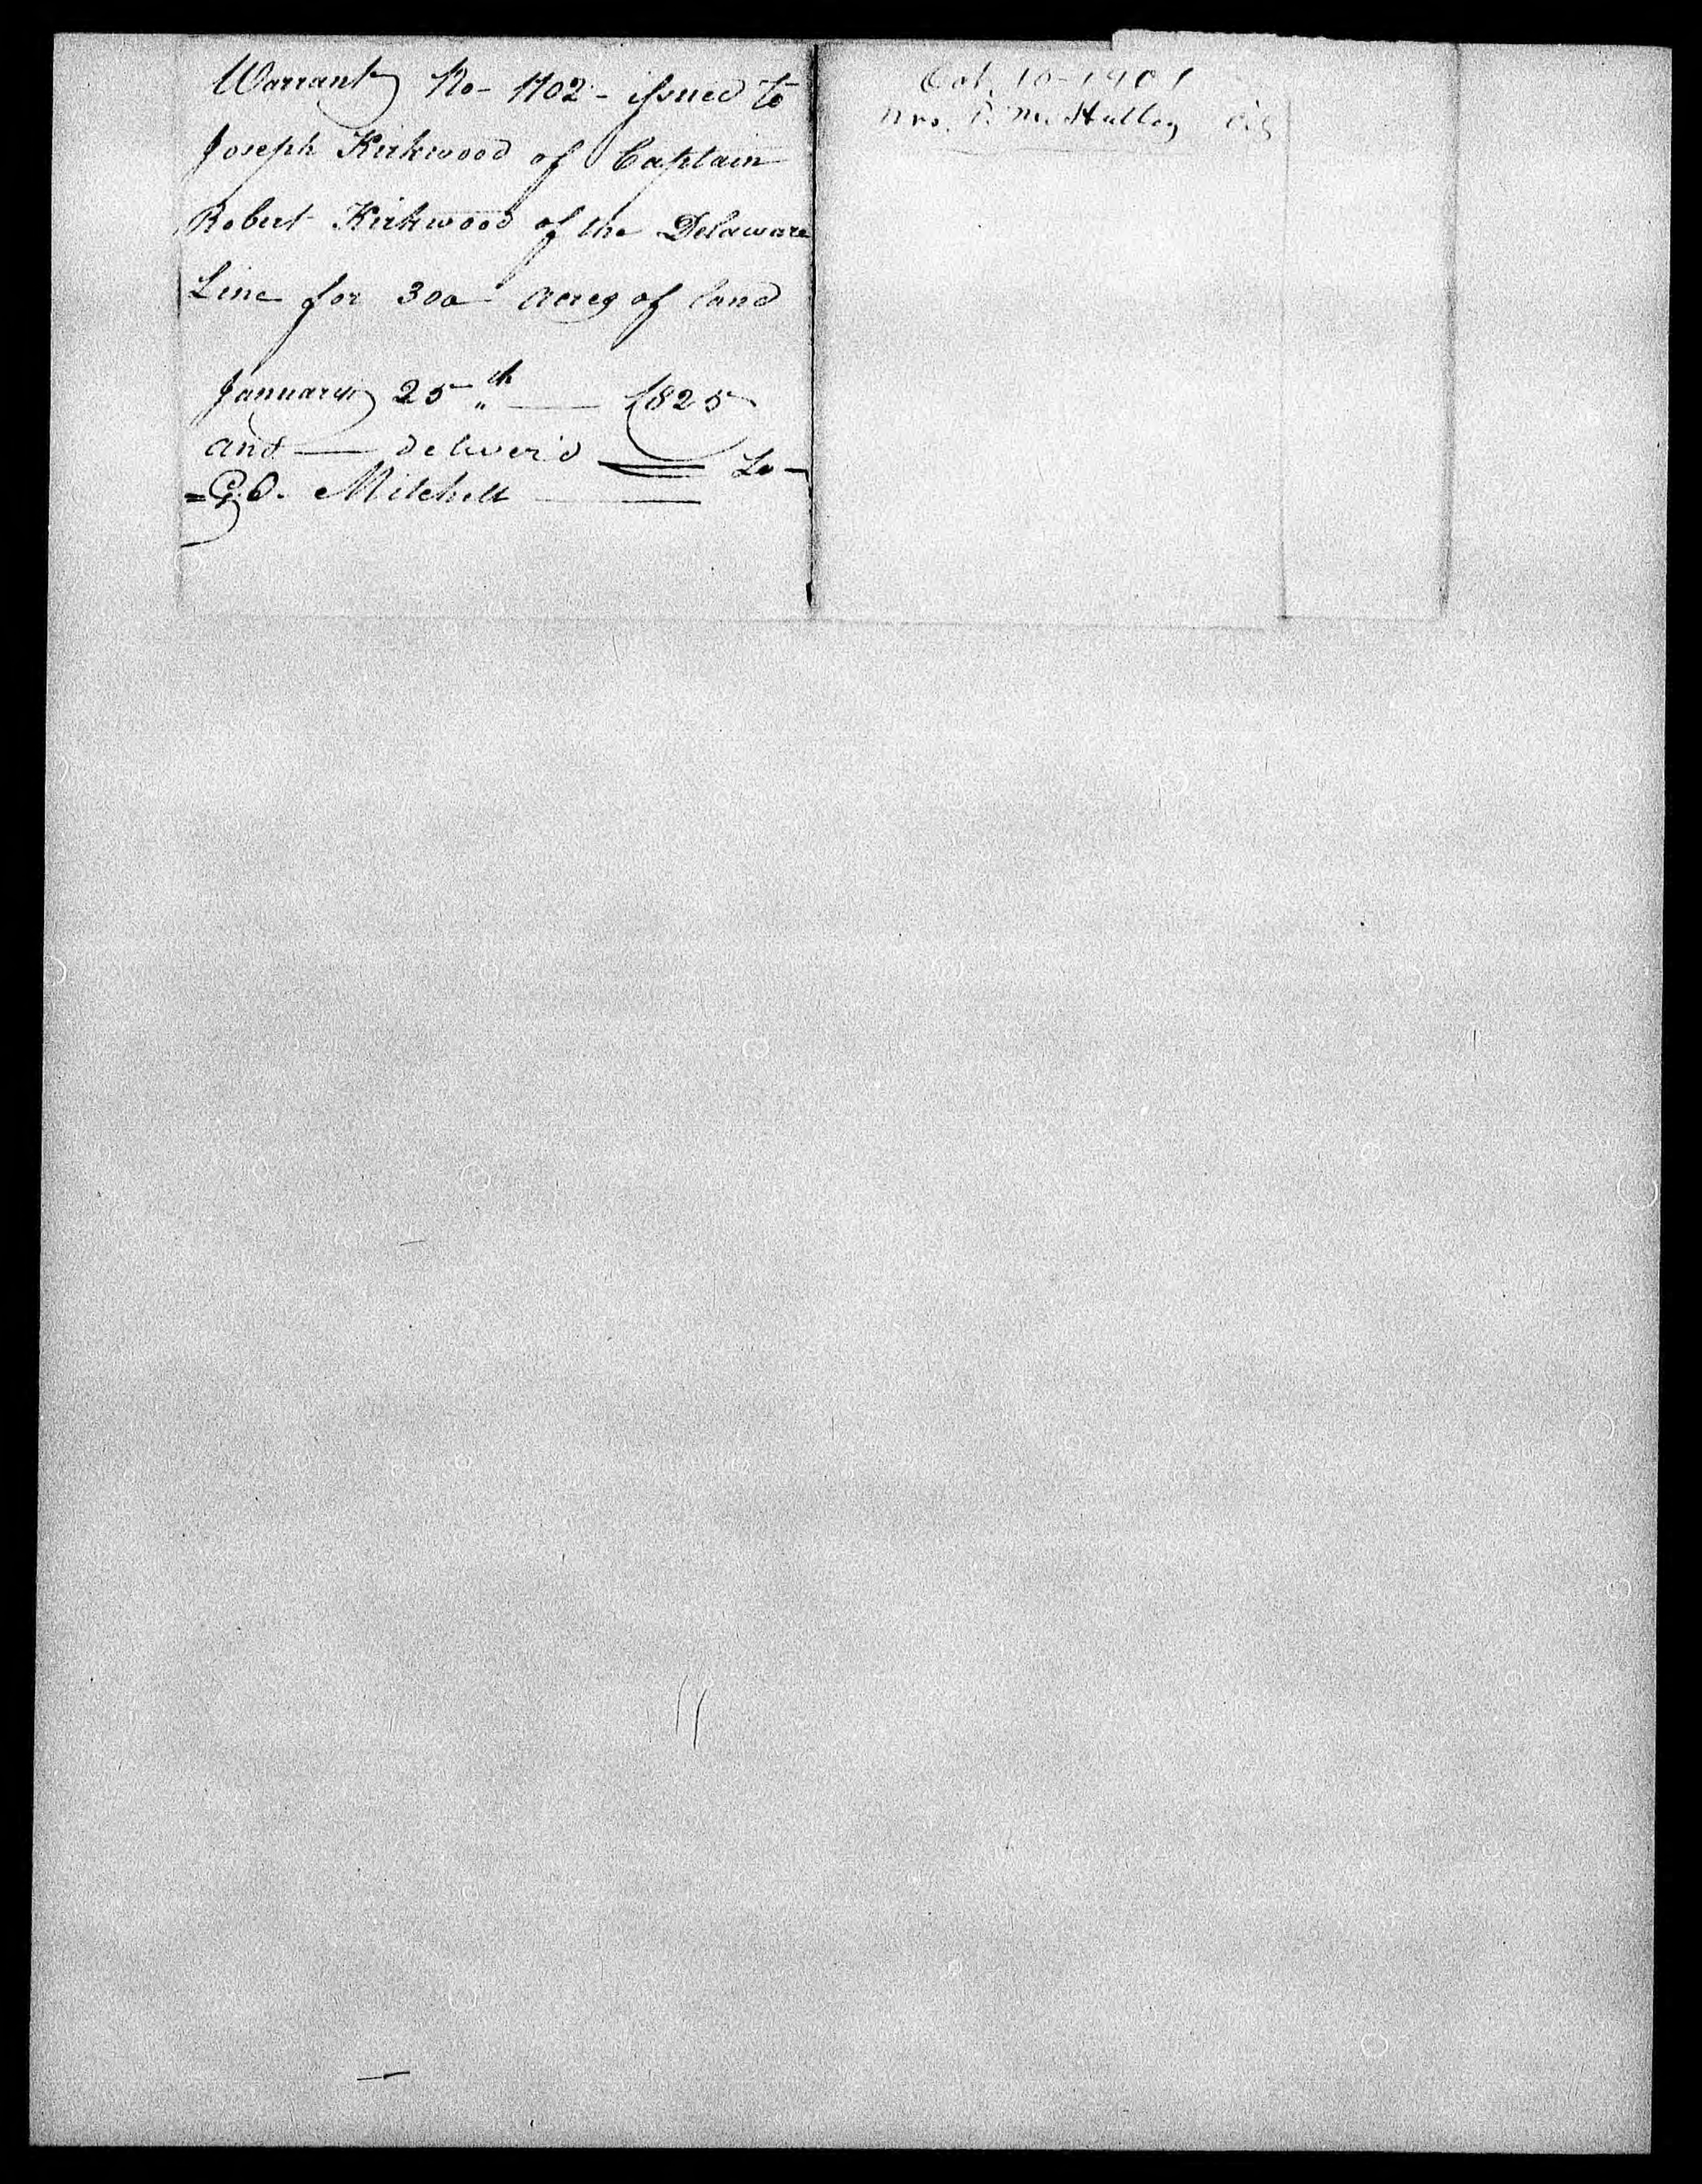Warrant No 1702 issued to
Joseph Kirkwood of Captain
Robert Kirkwood of the Delaware
Line for 300 acres of land
January 25th - 1825
and deliver'd
to
G. S. Mitchell
---
Oct [illegible] 18-1901
[Signature illegible]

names: G S Mitchell; J M Hallsey; Robert Kirkwood; Joseph Kirkwood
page: 2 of 20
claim: bounty land warrant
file: B. L. Wt. 1102-300, for Robert Kirkwood, Delaware